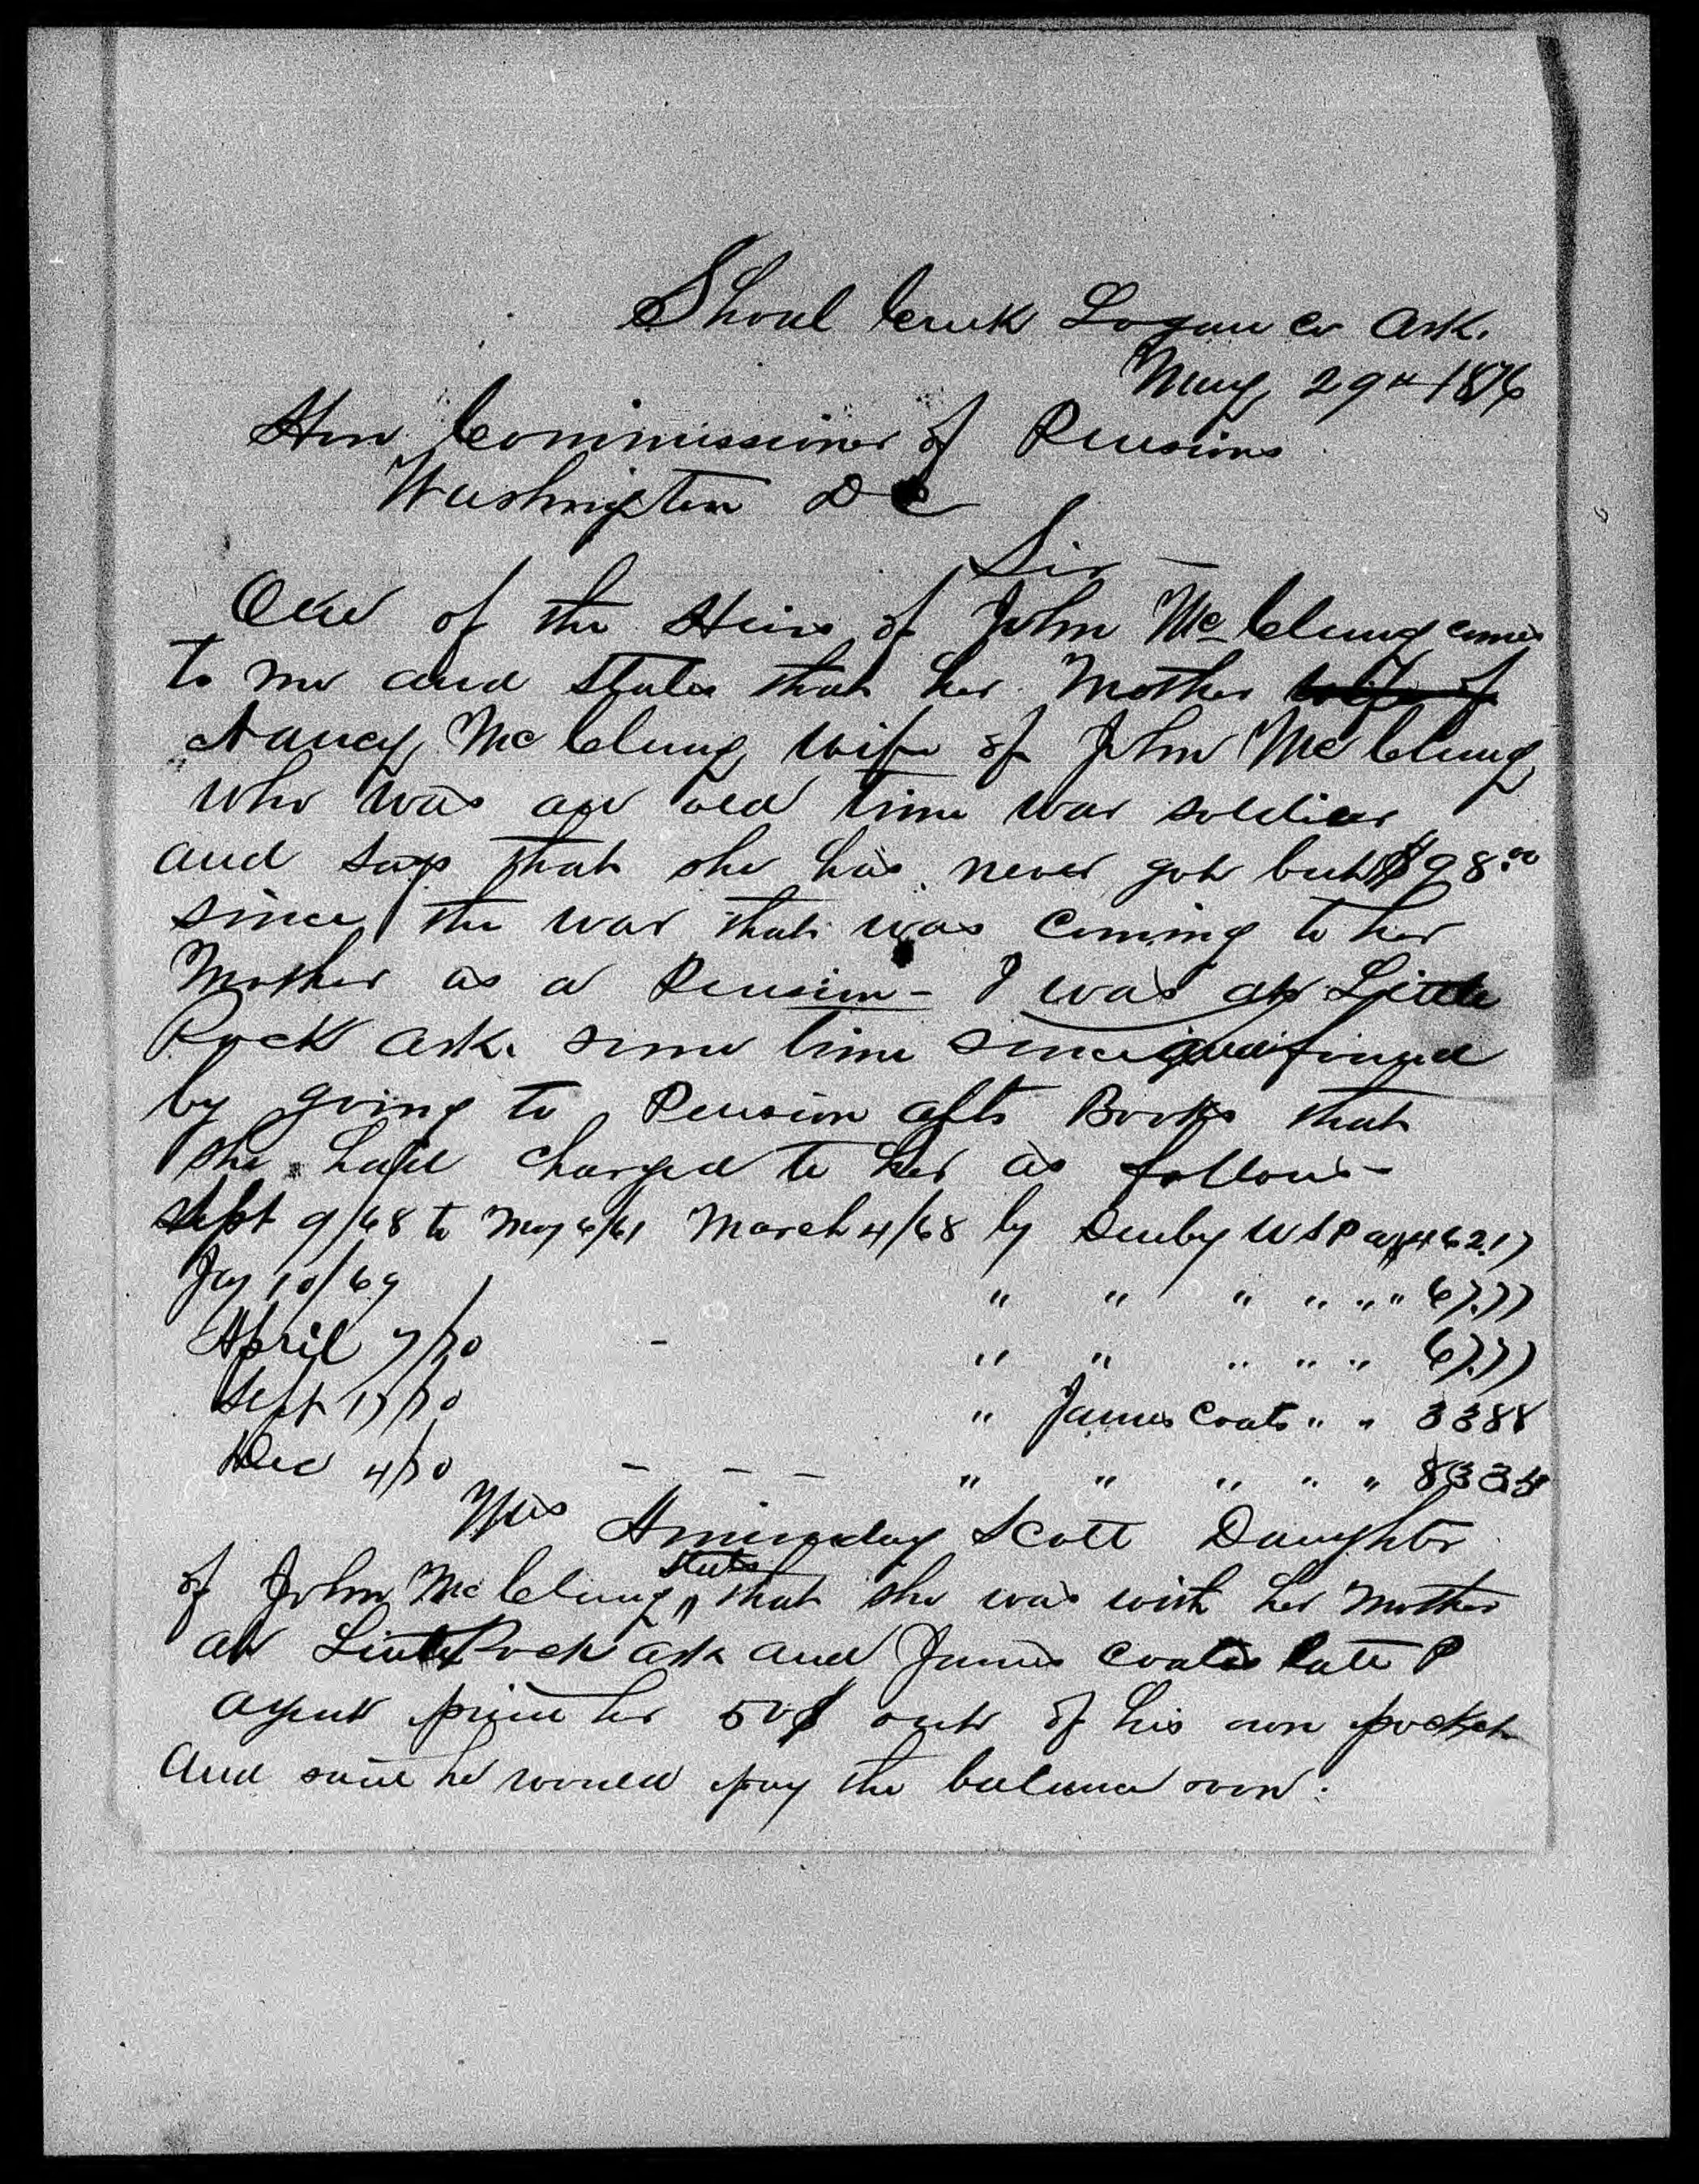Shoal Creek Logan Co Ark.
May 29th 1876

Hon Commissioner of Pensions
Washington D C

Sir-

One of the heirs of John McClung comes 
to me and states her mother [struck out: wife of]
Nancy McClung wife of John McClung 
who was an old time war soldier 
and says that she has never got but $98.00
since the war that was coming to her 
mother as a pension.  I was at Little 
Rock Ark. some time since and found 
by going to Pension agts books that 
she had charged to her as follows-

Sept 9/68 to May 6/61 March 4 4/68 by Durby W S Pay $462.17
Jany 10/69 ........................................... "  "" " "67.77
April 7/70 ........................................... " " " " " 67.77
Sept 17/70 .......................................... " James Coats 33.88
Dec 4/70 ............................................. " " " " 83.35

Mrs. Aminday Scott daughter 
of John McClung states that she was with her mother 
at Little Rock Ark and James Coates late P 
Agent paid her 50$ out of his own pocket 
and said he would pay the balance soon.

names: Nancy Mc Clung; John Mc Clung; Aminday Scott; Durby W [BLANK]; James Coats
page: 10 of 115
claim: widow's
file: W. 1446, for John Mc Clung, South Carolina